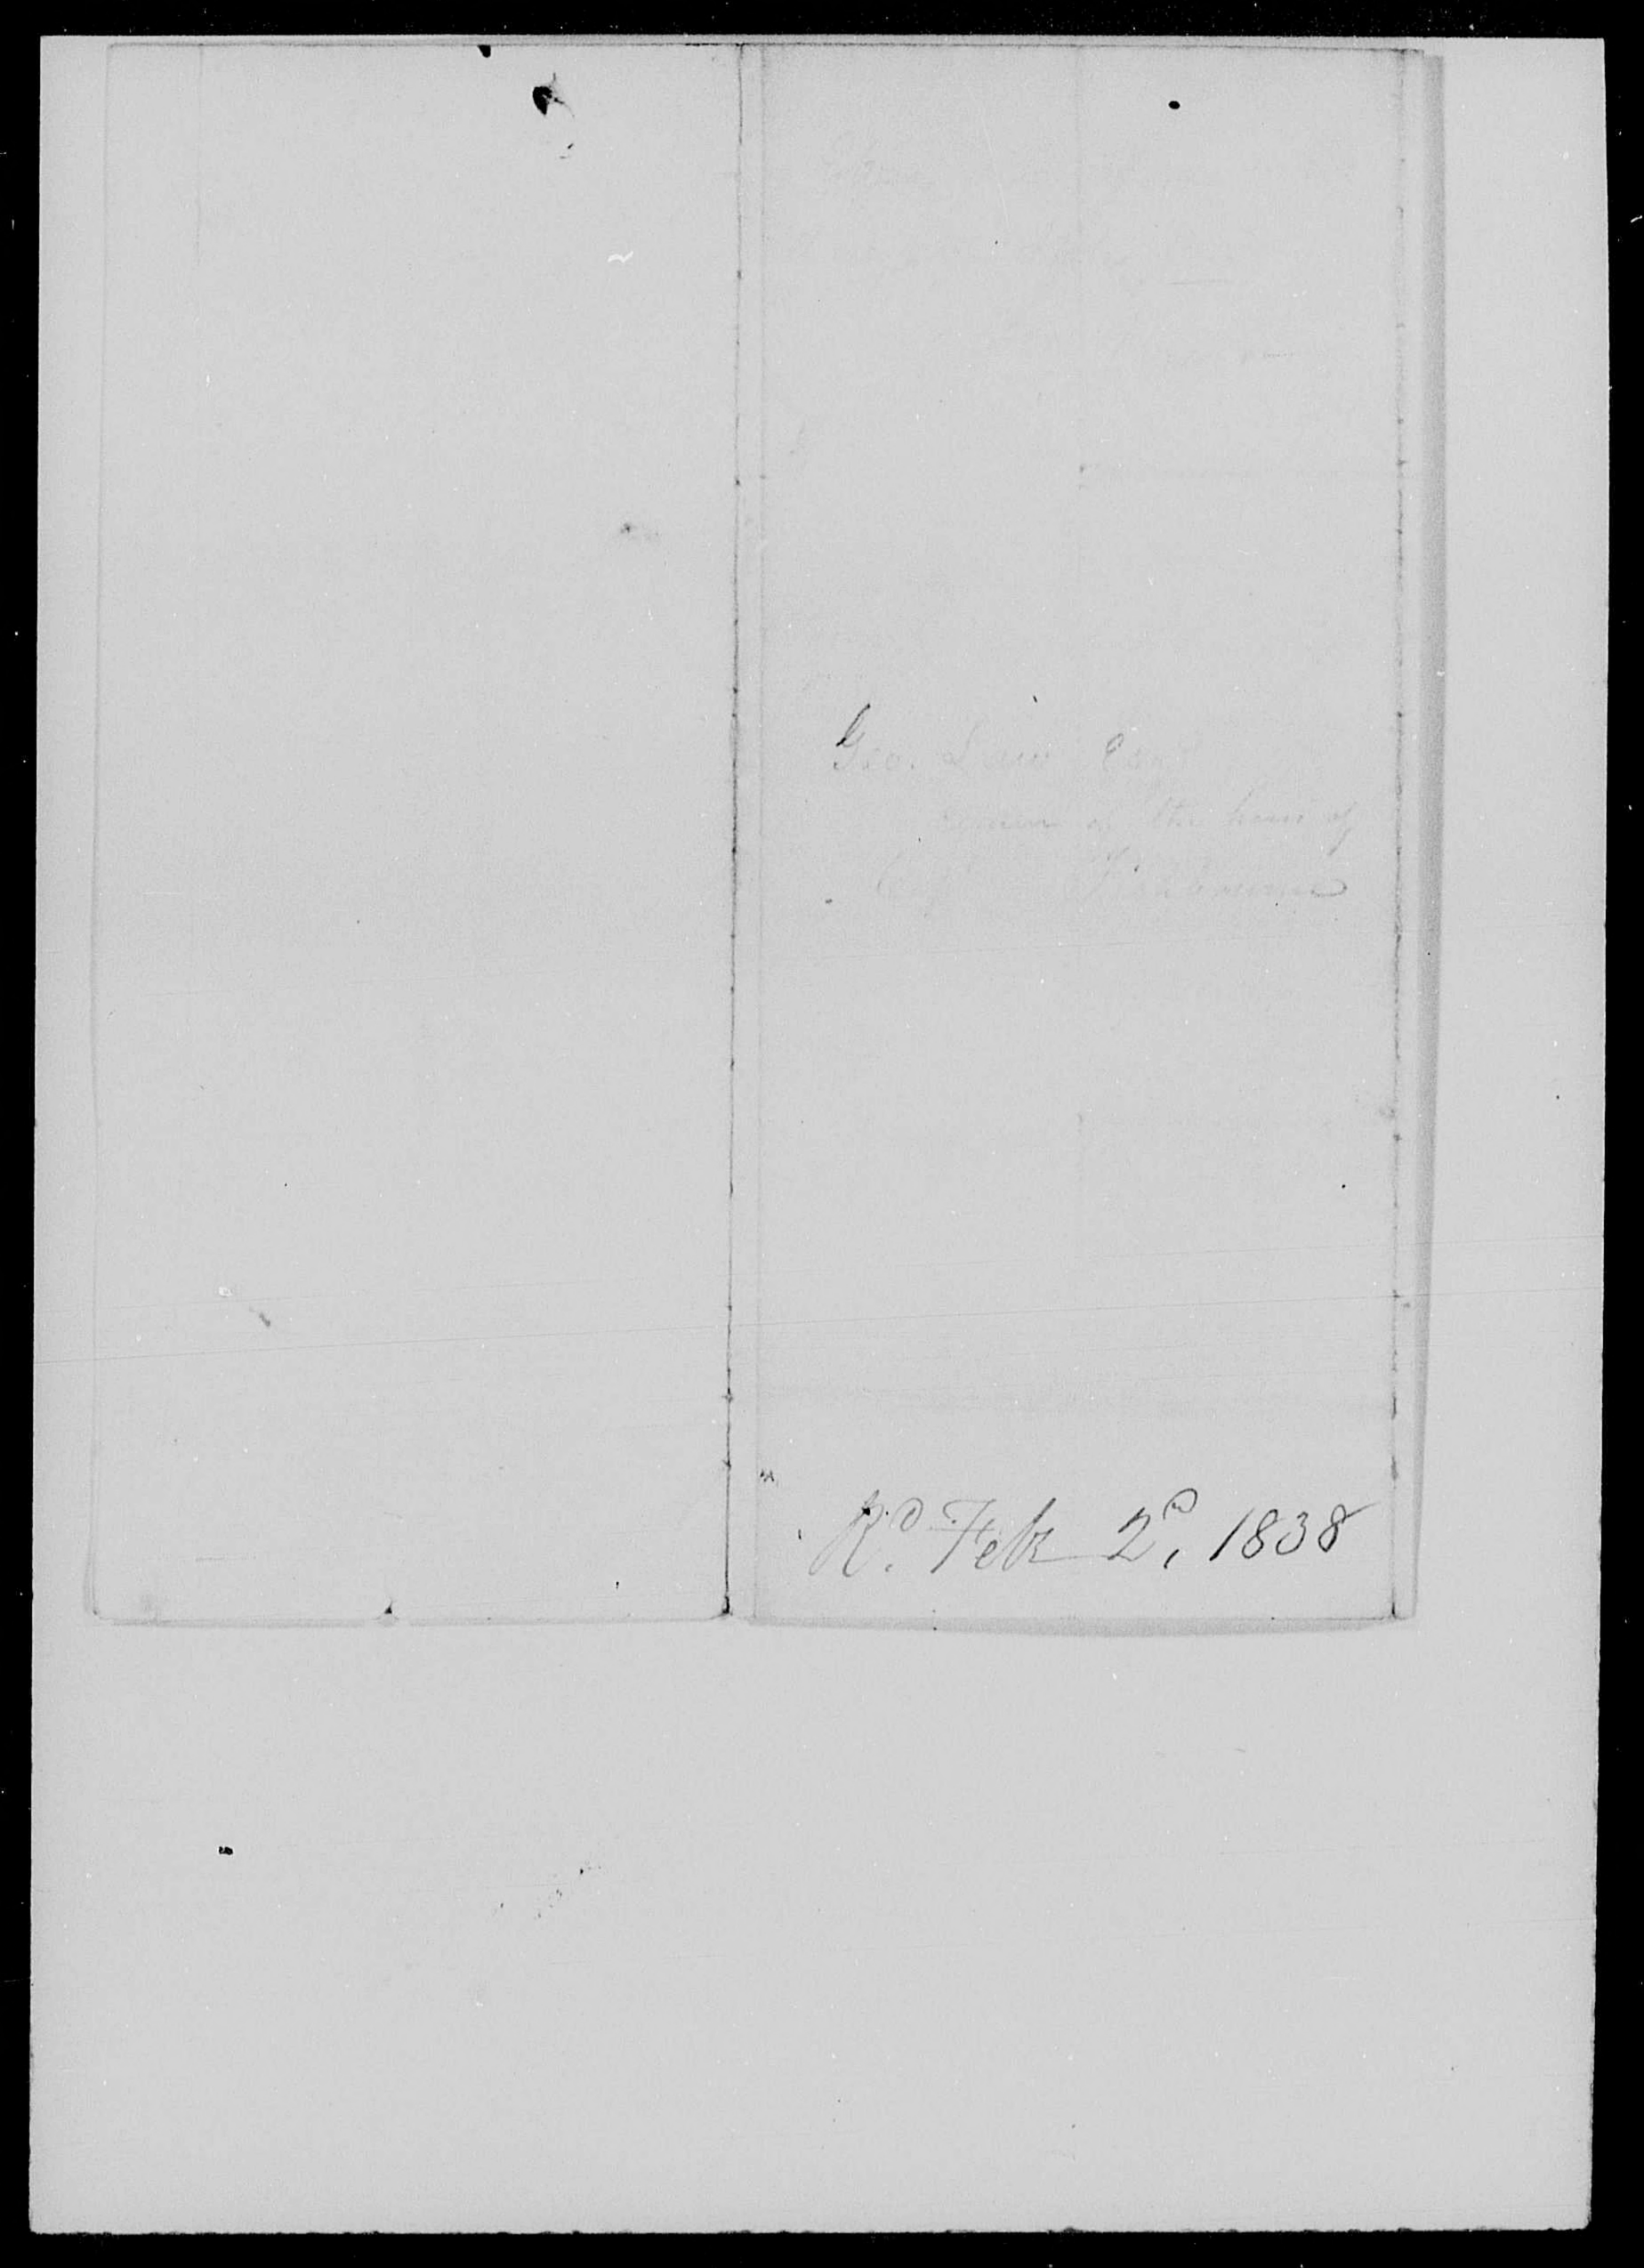Geo. Law esqr
[next line illegible]
Captain Fishbourn

R. Febr 2nd, 1838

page: 5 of 11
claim: bounty land warrant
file: B.L.Wt. 2,206-300, Benjamin Fishbourn, Penn.